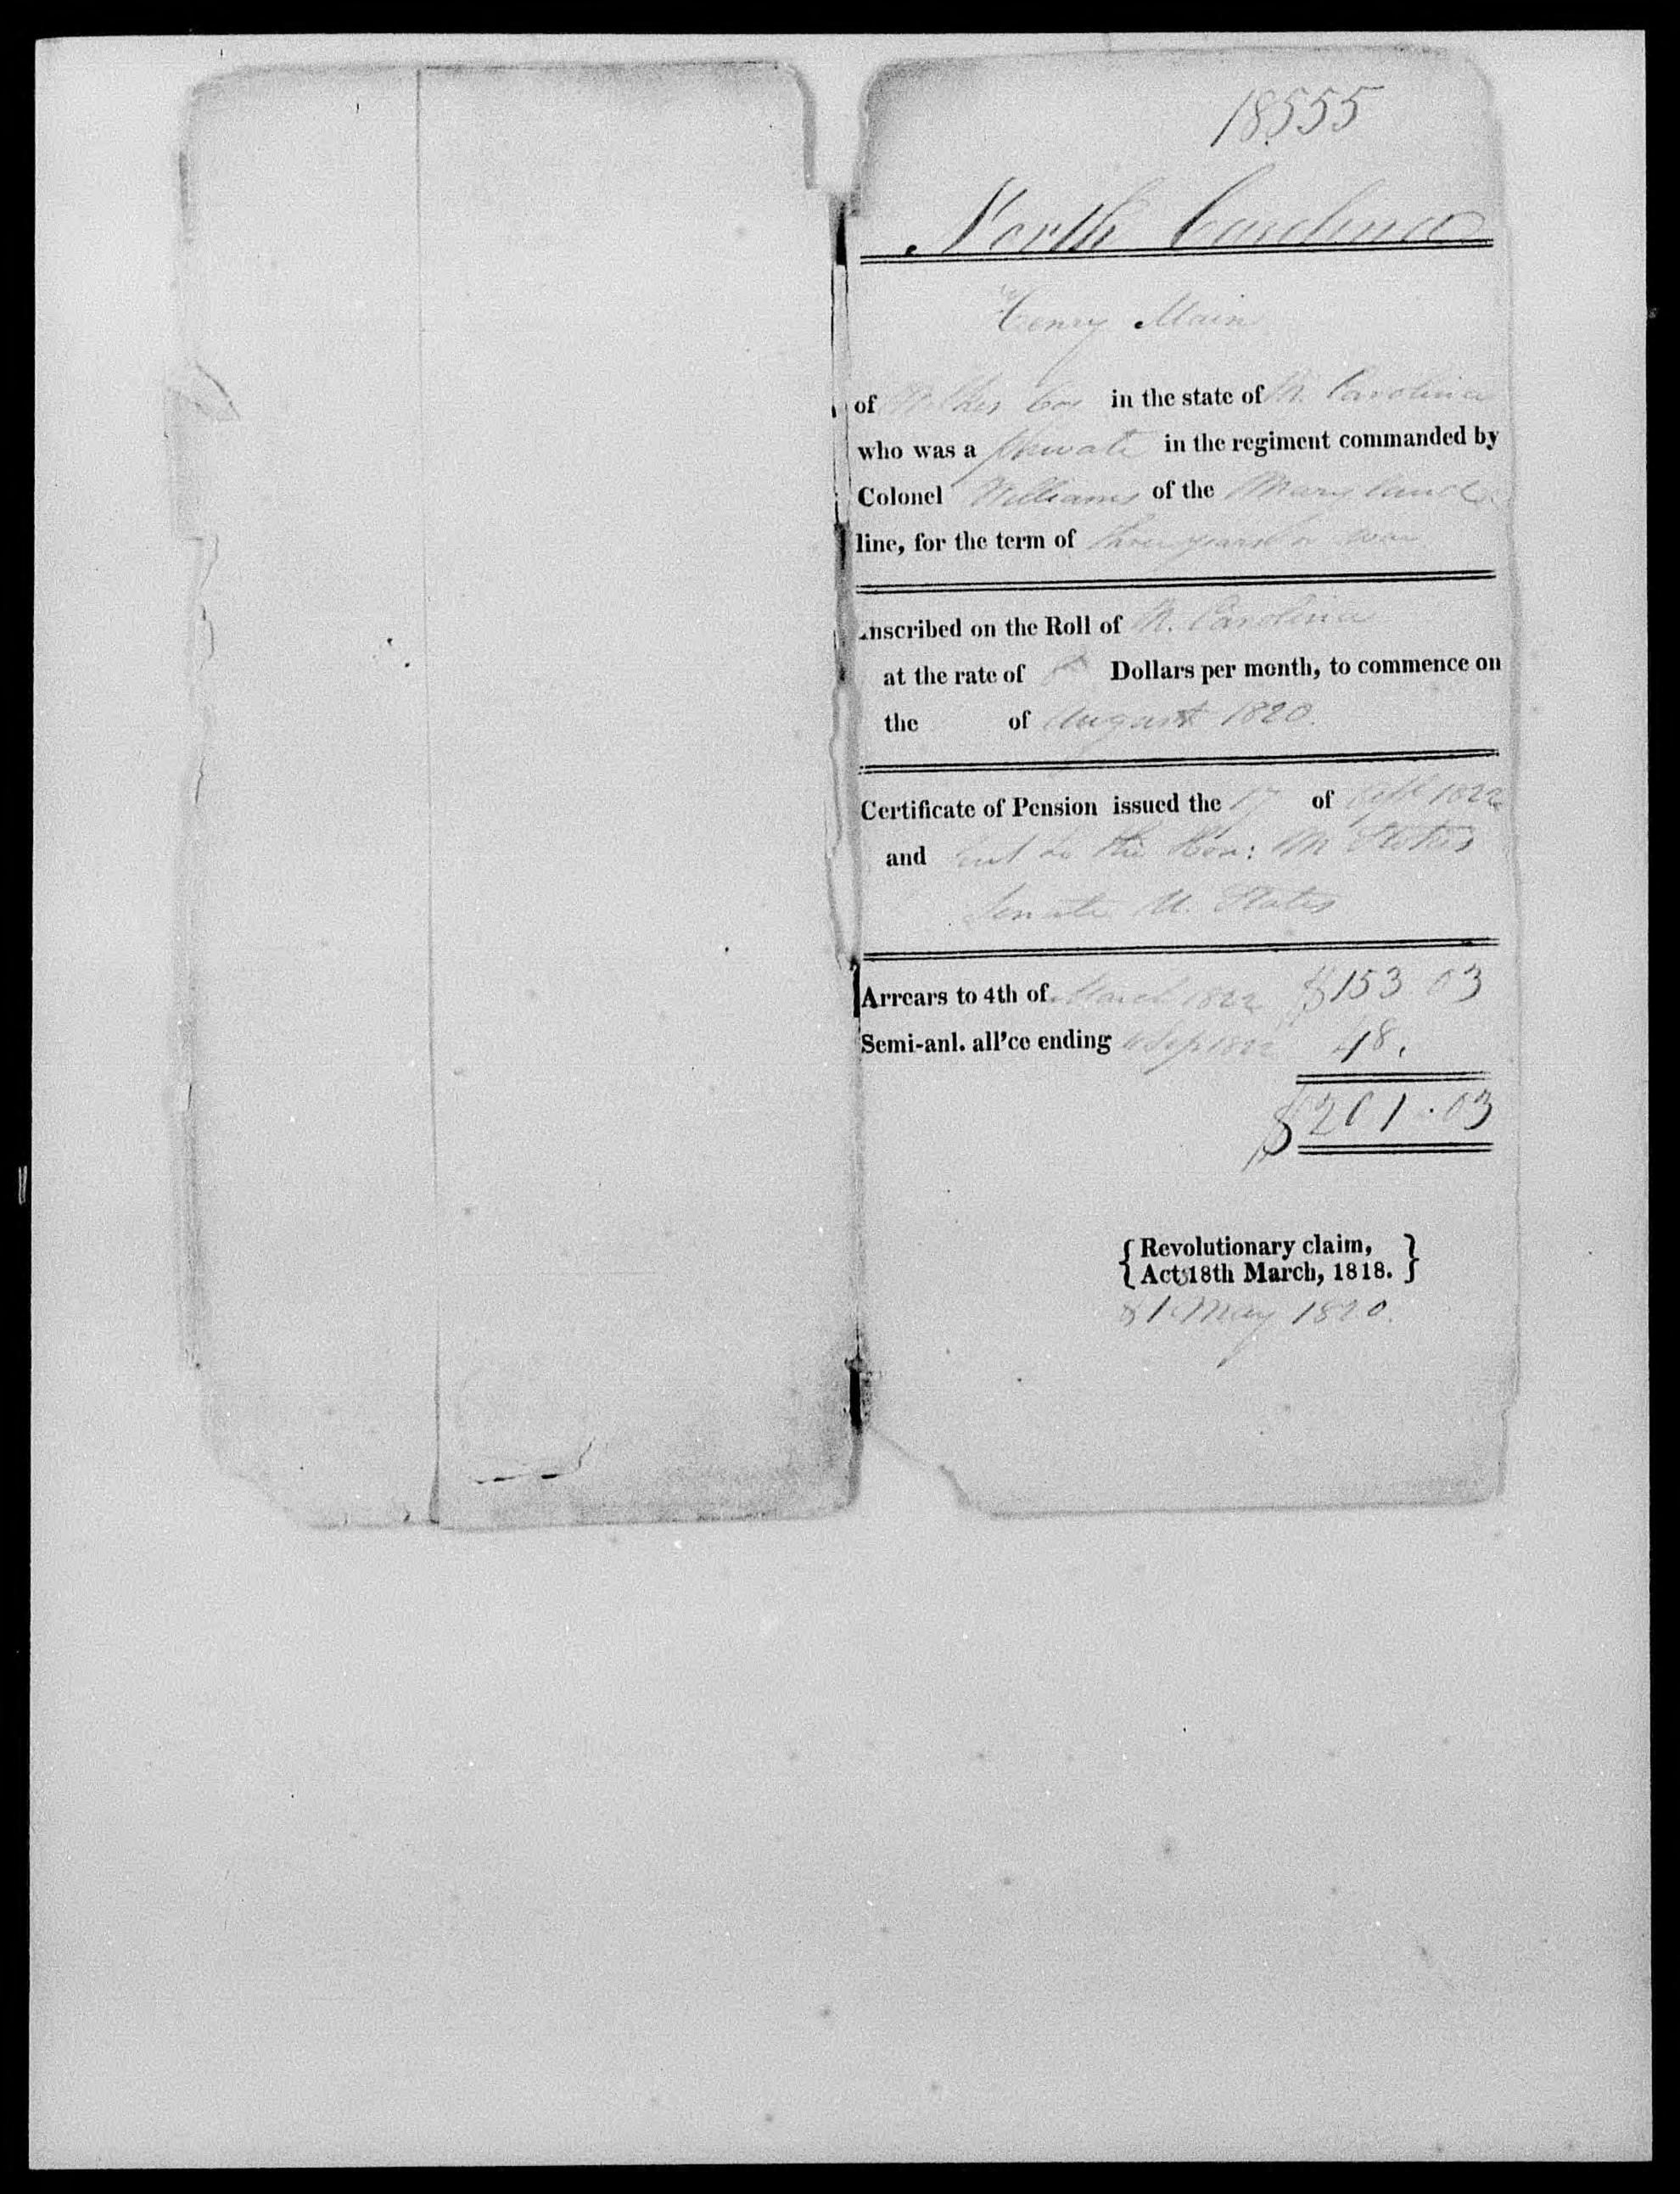18555
North Carolina
-
Henry Main
of Wilkes Co in the State of N. Carolina
who was a private in the regiment commanded by Colonel Williams of the Maryland
line, for the term of three years or more
the
Inscribed on the Roll of N. Carolina
at the rate of 8 Dollars per month, to commence on the [    ] of August 1820
Certificate of Pension issued the17 of April 1822 and but to his heir M Stokes 
Senate U. States
Arrears to 4th of March 1822 $153.03
Semi-anl. all'ce ending 11 Sep 1822 48.00
[totalling] $201.03
{Revolutionary claim,
Act 18th March, 1818 }
& 1 May 1820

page: 2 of 13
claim: survivor's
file: S. 41806, for Henry Main, Maryland